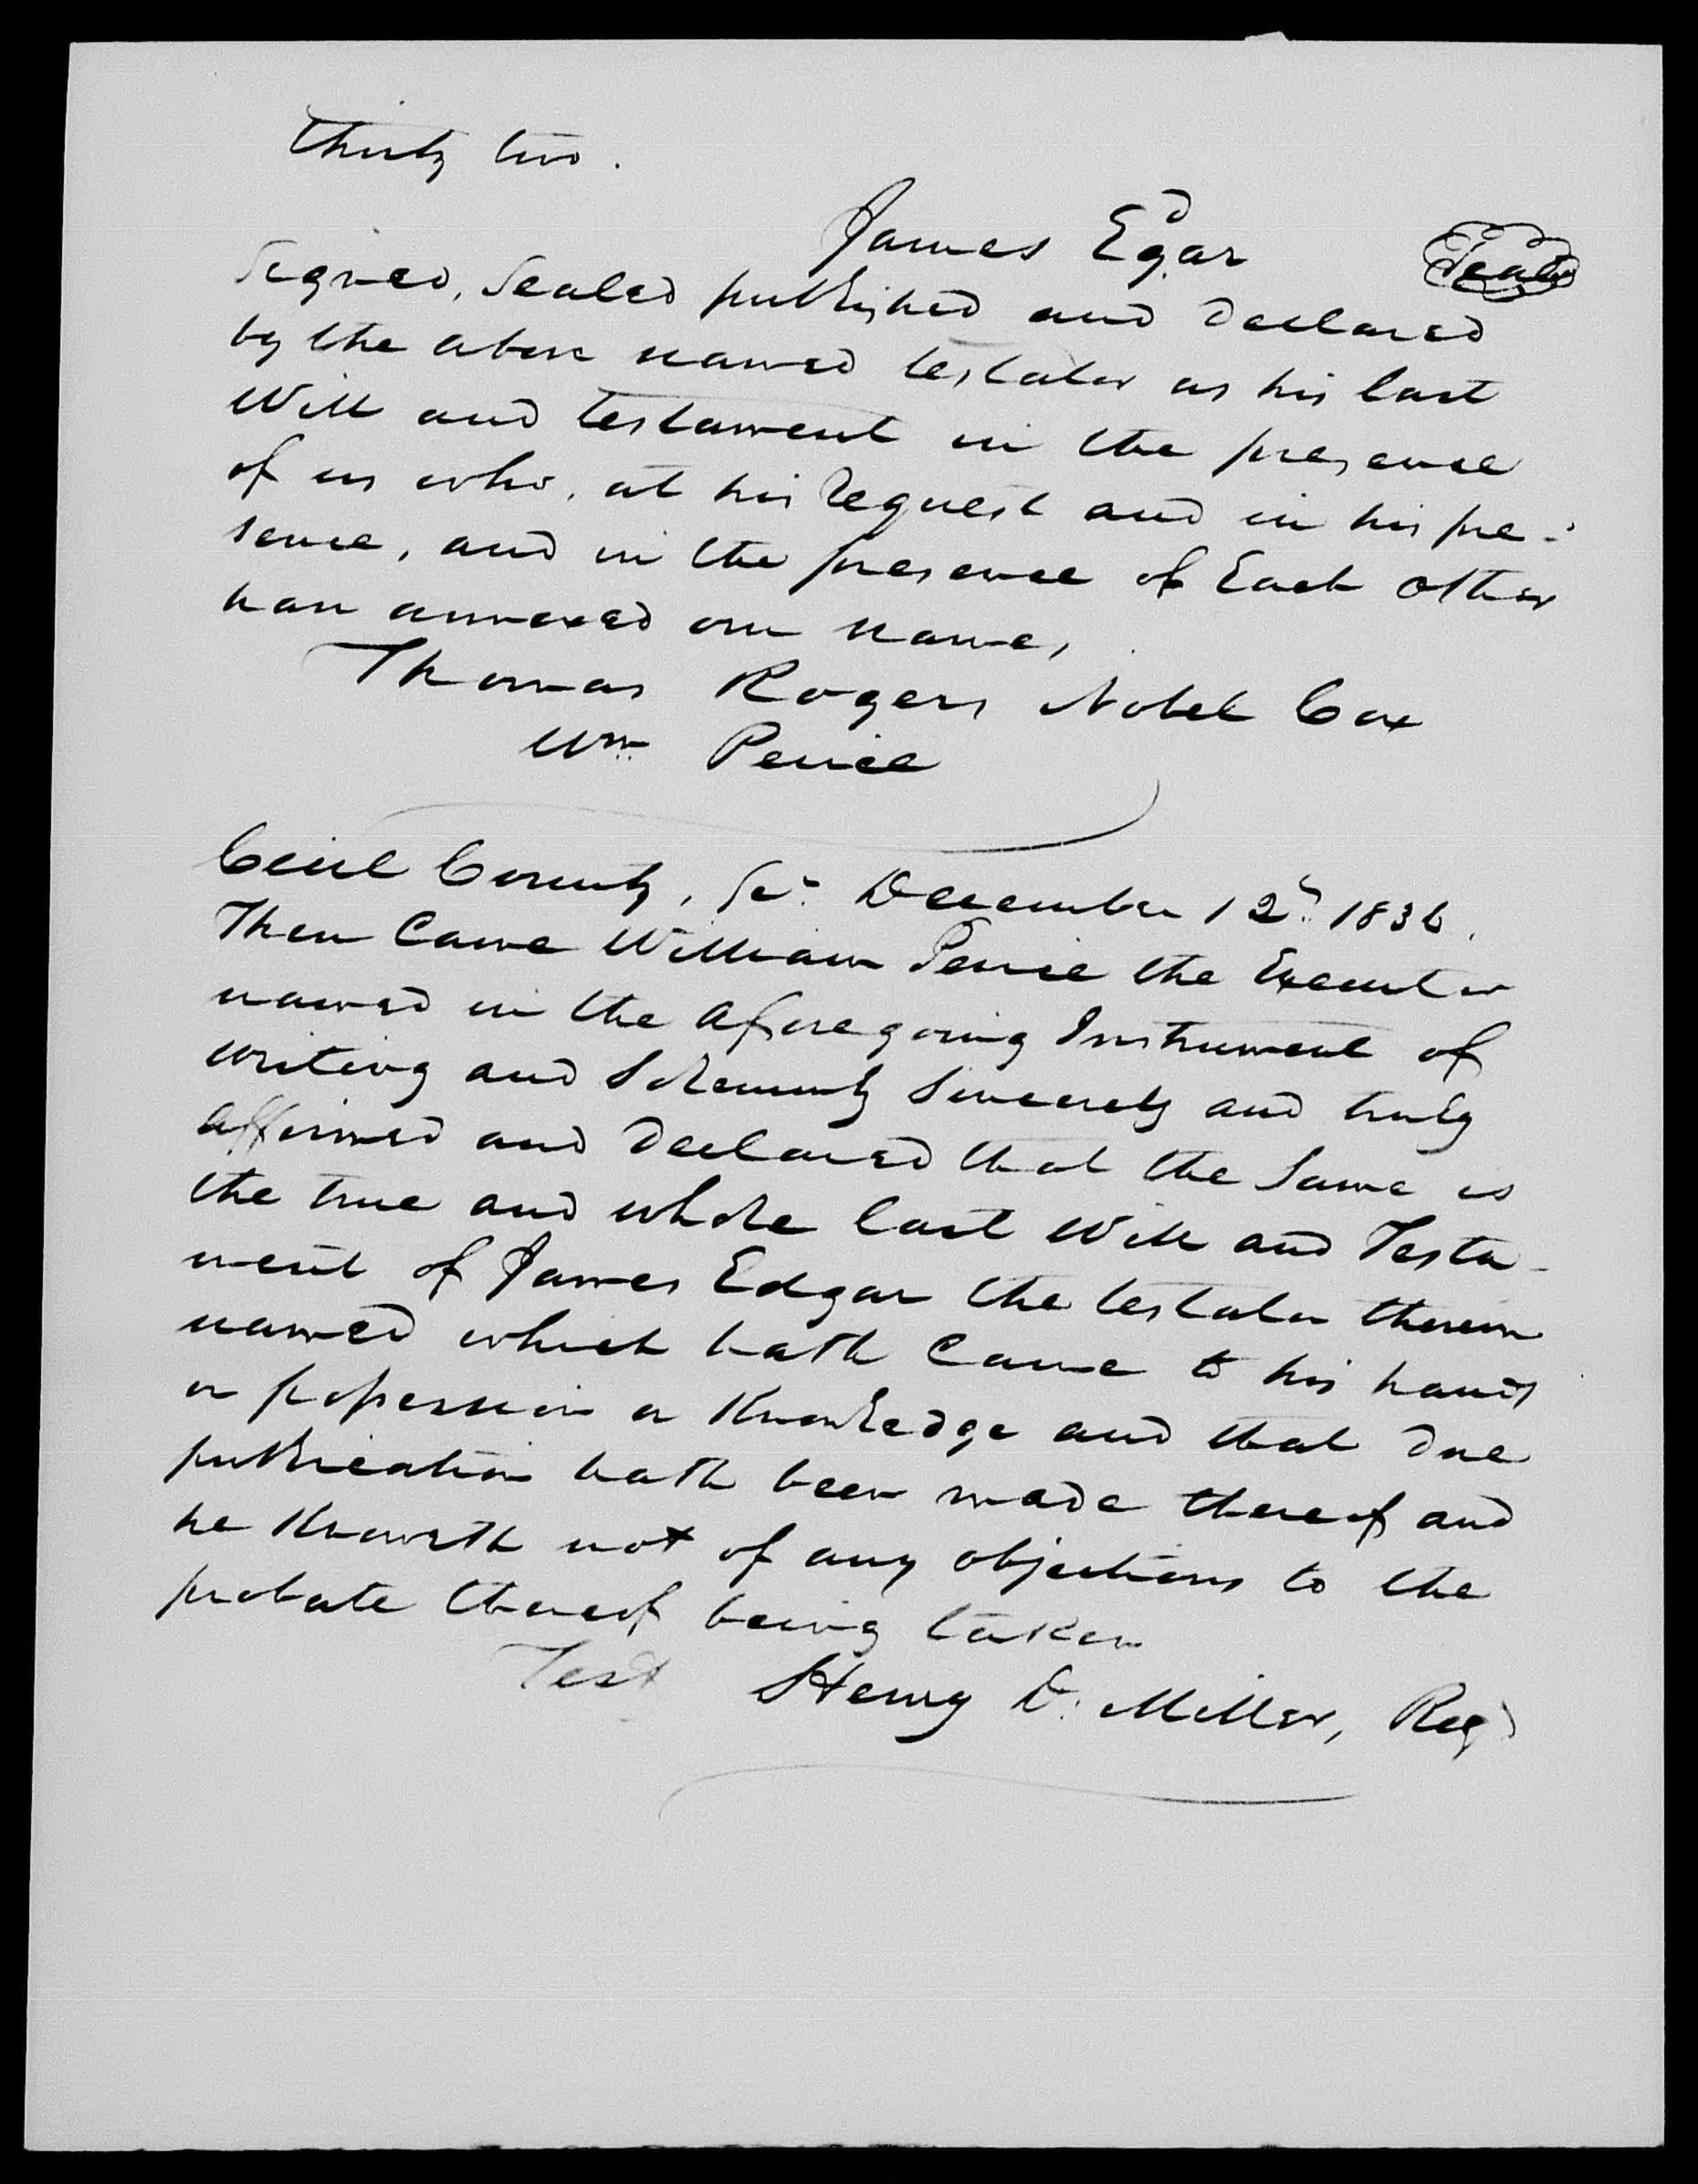thirty two
James Edgar
(seal)
Signed, sealed published and declared
by the above named testator as his last
Will and testament in the presence
of us who, at his request and in his presence, and in the presence of Each other
have annexed our name,
Thomas Rogers Nobel Cox
Wm Peirce

Cecil County, December 12th 1836
Then came William Pence the Executor
named in the aforegoing Instrument of
writing and Solemnly sincerely and truly
affirmed and declared that the same is
the true and whole last Will and Testament of James Edgar the testator therein
named which hath cause to his have or 
in possession or knowledge and that due
publication hath been made thereof and
he knoweth not of any objections to the
probate thereof being taken

Test
Henry D. Miller, Reg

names: Nobel Cox, Wm Peirce, Thomas Rogers, Henry D Miller, William Peirce, James Edgar, James Edgar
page: 23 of 74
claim: widow's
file: W. 9422, James Edgar, Penn.